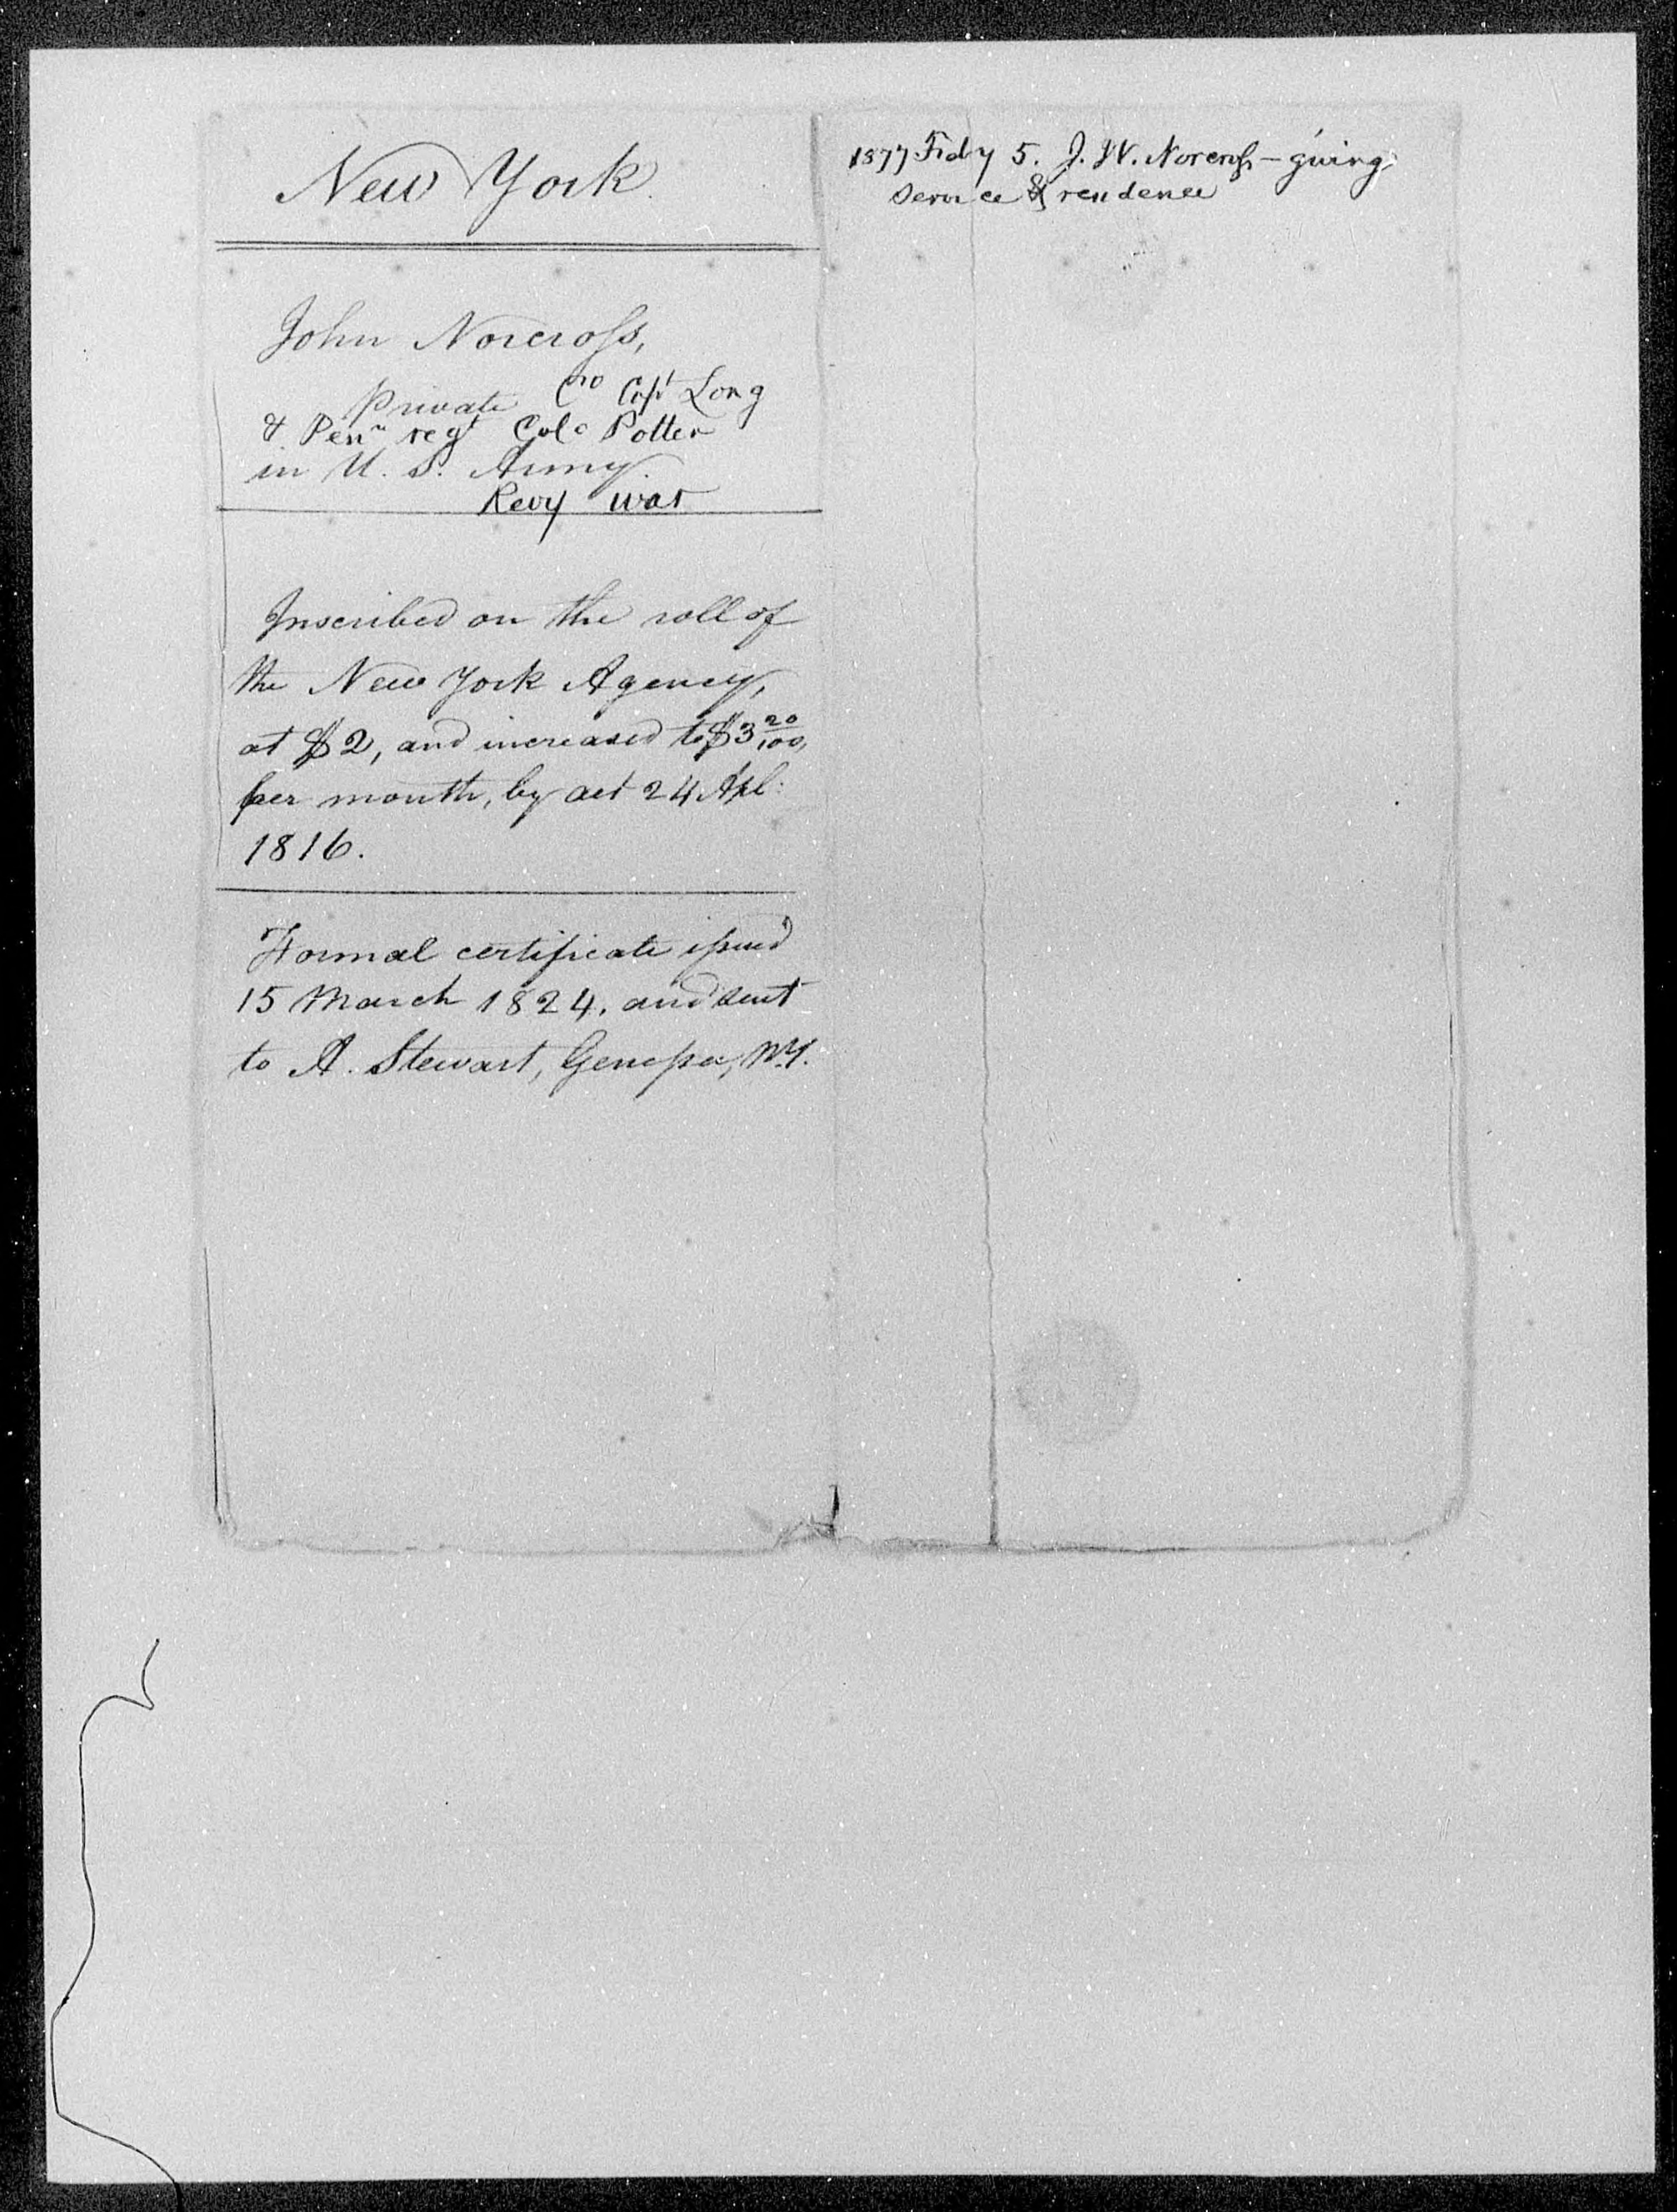New York    1877 Friday 5. J.W. Norcross - giving service credence

John Norcross,
Private Co Capt Long
of Penn regt Colo Potter
in U.S Army
         Revy war
____________________________
Inscribed on the roll of 
the New York Agencey
at $2, and increased to $3.20
per month , by 24 April
1816
_____________________________
Formal certificate issued
15 March 1824, and sent 
to A.Stewart Genese, NY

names: [BLANK] Potter; [BLANK] Long; J W Norcross; John Norcross; A Stewart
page: 8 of 23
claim: survivor's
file: S. 27257, for John Norcross, Pennsylvania